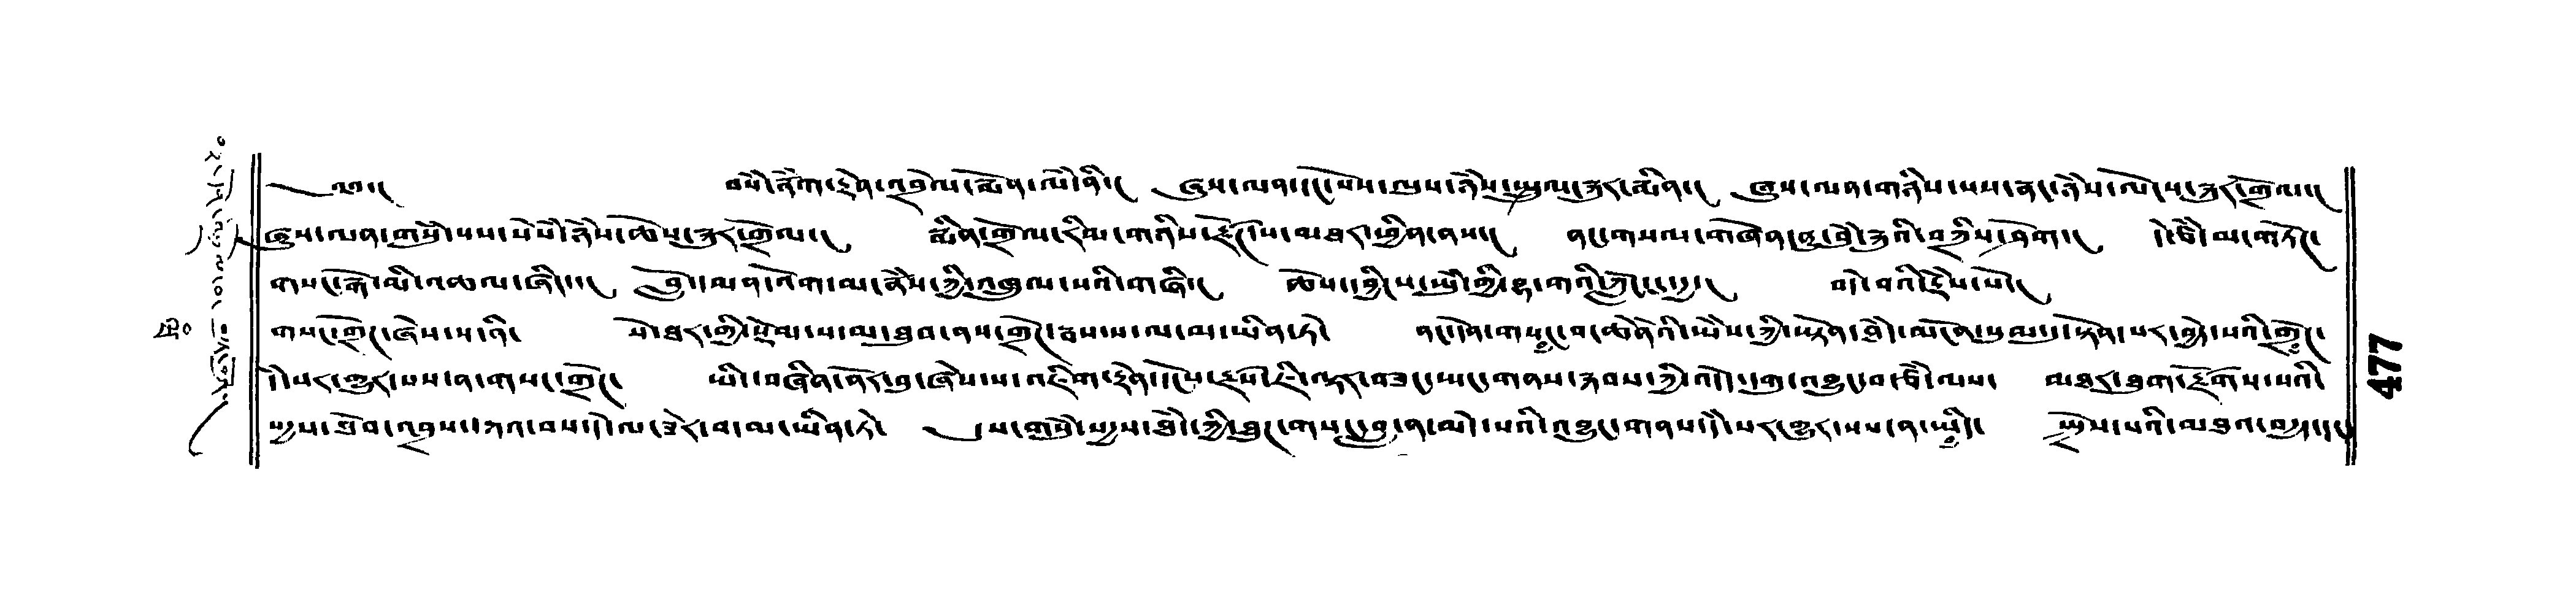བསམ་རྣམ་དག་རྟེན་འབྲེལ་སྨོན་ལམ་ནི། །ཞུས་ལན་དང་པོས་ལུས་ཉམས་སྤྲུལ་སྐུར་སྨིན། །ཞུས་ལན་གཉིས་པས་སྣང་ཉམས་ལོངས་སྐུར་གྲོལ། །
ཞུས་ལན་གསུམ་པས་སེམས་ཉམས་ཆོས་སྐུར་གྲོལ། །སྨིན་གྲོལ་རིམ་གཉིས་རྫོགས་པ་མཐར་ཕྱིན་ནས། །ནང་གསལ་གཞོན་ནུ་བུམ་སྐུའི་བཀྲ་ཤིས་ཤོག །དེ་ཙམ་མ་གཏོགས་
གསང་སྒོ་མི་འཆལ་ཞིང་། །བློ་དམན་འོག་མ་རྣམས་ཀྱི་འཁྲུལ་པའི་གཞི། །ཆོས་དབྱིངས་ཡུམ་གྱི་བྷ་གའི་ཀློང་དུ་རྒྱ། བདེ་བའི་རྡོ་རྗེས་སོ།། ༈ 
གསང་གྲོགས་ཞེས་པ་ནི། སོ་ཐར་གྱི་སྡོམ་པ་མ་ཐུབ་ནས་གྲོགས་སྦས་པ་ལ་མ་ཡིན་ཏེ། ནང་དོན་གསང་བ་ཆེན་པོའི་ཡེ་ཤེས་ཀྱི་ཡོན་ཏན་ཐམས་ཅད་མངོན་སུམ་དུ་སྟོན་པར་བྱེད་པའི་གྲོགས་
དམ་པར་གྱུར་པས་ན་གསང་གྲོགས། ཡིད་བཞིན་ནོར་བུ་ཞེས་པ་འཇིག་རྟེན་དངོས་རྫས་ཇི་ལྟར་བཟང་ཡང་གནས་སྐབས་ཀྱི་འདོད་དགུ་འབྱུང་བ་ཙམ་ལས། མཐར་ཐུག་རྫོགས་པའི་
སངས་རྒྱས་ཐོབ་འབྲས་དཀའ་བས་དེ་ལ་ཟེར་བ་མ་ཡིན་ཏེ། དུས་གསུམ་སངས་རྒྱས་ཐམས་ཅད་ཀྱི་ཐུགས་གསང་བླ་ན་མེད་པའི་འབྱུང་གནས་དམ་པར་གྱུར་པས་ན་ཡིད། སྤྲོས་པའི་མཐའ་བརྒྱད་དང་